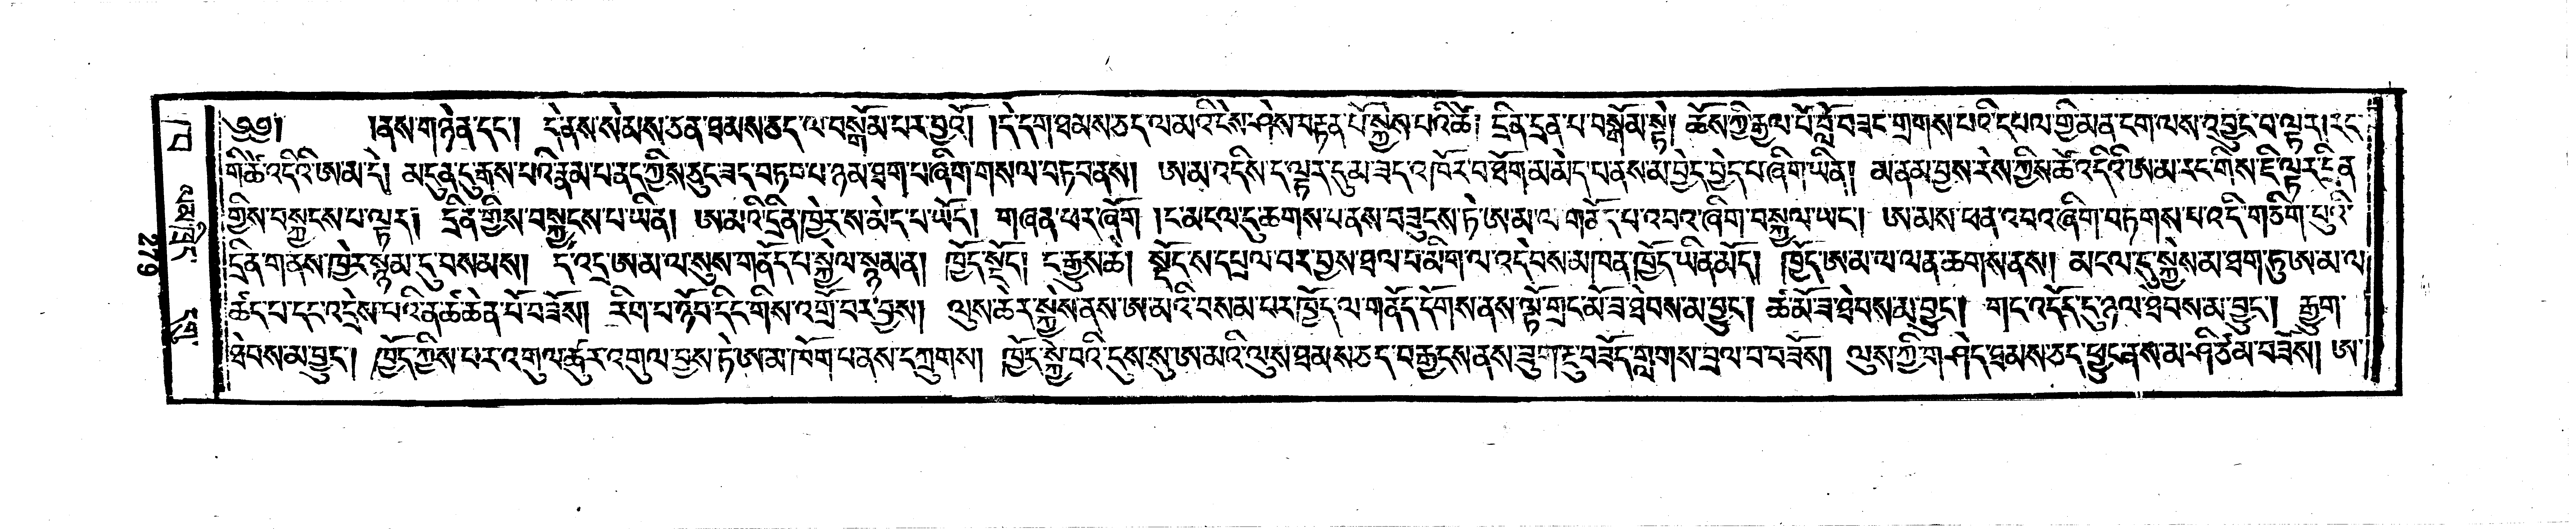༄༅། །ནས་གཉེན་དང་། དེ་ནས་སེམས་ཅན་ཐམས་ཅད་ལ་བསྒོམ་པར་བྱའོ། །དེ་དག་ཐམས་ཅད་ལ་མའི་ངེས་ཤེས་བརྟན་པོ་སྐྱེས་པའི་ཚེ། དྲིན་དྲན་པ་བསྒོམ་སྟེ། ཆོས་ཀྱི་རྒྱལ་པོ་བློ་བཟང་གྲགས་པའི་དཔལ་གྱི་མན་ངག་ལས་འབྱུང་བ་ལྟར། རང་
གི་ཚེ་འདིའི་ཨ་མ་དེ། མདུན་དུ་རྒས་པའི་རྣམ་པ་ནད་ཀྱིས་ཅུང་ཟད་བཏབ་པ་ཉམ་ཐག་པ་ཞིག་གསལ་བཏབ་ནས། ཨ་མ་འདིས་ད་ལྟར་དུ་མ་ཟད་འཁོར་བ་ཐོག་མ་མེད་པ་ནས་མ་བྱེད་བྱེད་པ་ཞིག་ཡིན། མ་ནམ་བྱས་རེས་ཀྱིས་ཚེ་འདིའི་ཨ་མ་རང་གིས་ཇི་ལྟར་དྲིན་
གྱིས་བསྐྱངས་པ་ལྟར། དྲིན་གྱིས་བསྐྱངས་པ་ཡིན། ཨ་མའི་དྲིན་ཁྱེར་ས་མེད་པ་ཡོད། གཞན་ཕར་ཞོག །ང་མངལ་དུ་ཆགས་པ་ནས་བཟུངས་ཏེ་ཨ་མ་ལ་གནོད་པ་འབའ་ཞིག་བསྐྱལ་ཡང་། ཨ་མས་ཕན་འབའ་ཞིག་བཏགས་པ་འདི་གཅིག་པུའི་
དྲིན་གནས་ཁྱེར་སྙམ་དུ་བསམས། དེ་འདྲ་ཨ་མ་ལ་སུས་གནོད་པ་སྐྱེལ་སྙམ་ན། ཁྱོད་སྡོད། ང་རྒྱུས་ཆེ། སྡོད་ས་དཔྲལ་བར་བྱས་ཐལ་བ་མིག་ལ་འདེབས་མཁན་ཁྱོད་ཡིན་མོད། ཁྱོད་ཨ་མ་ལ་ལན་ཆགས་ནས། མངལ་དུ་སྐྱེས་མ་ཐག་ཏུ་ཨ་མ་ལ་
ཚད་པ་དང་འདྲེས་པའི་ན་ཚ་ཆེན་པོ་བཟོས། རིག་པ་ཉོབ་དིང་གིས་འགྲོ་བར་བྱས། ལུས་ཆེར་སྐྱེས་ནས་ཨ་མའི་བསམ་པར་ཁྱོད་ལ་གནོད་དོགས་ནས་ལྟོ་གྲང་མོ་ཟ་ཐེབས་མ་བྱུང་། ཚ་མོ་ཟ་ཐེབས་མ་བྱུང་། གང་འདོད་དུ་ཉལ་ཐབས་མ་བྱུང་། རྒྱུག་
ཐེབས་མ་བྱུང་། ཁྱོད་ཀྱིས་པར་འགུལ་ཚུར་འགུལ་བྱས་ཏེ་ཨ་མ་ཁོག་པ་ནས་དཀྲུགས། ཁྱོར་སྐྱེ་བའི་དུས་སུ་ཨ་མའི་ལུས་ཐམས་ཅད་བརྒྱངས་ནས་ཟུག་རྡུ་བཟོད་གླགས་བྲལ་བ་བཟོས། ལུས་ཀྱི་གཤེད་ཐམས་ཅད་ཕྱུང་ནས་མ་ཤི་ཙམ་བཟོས། ཨ་